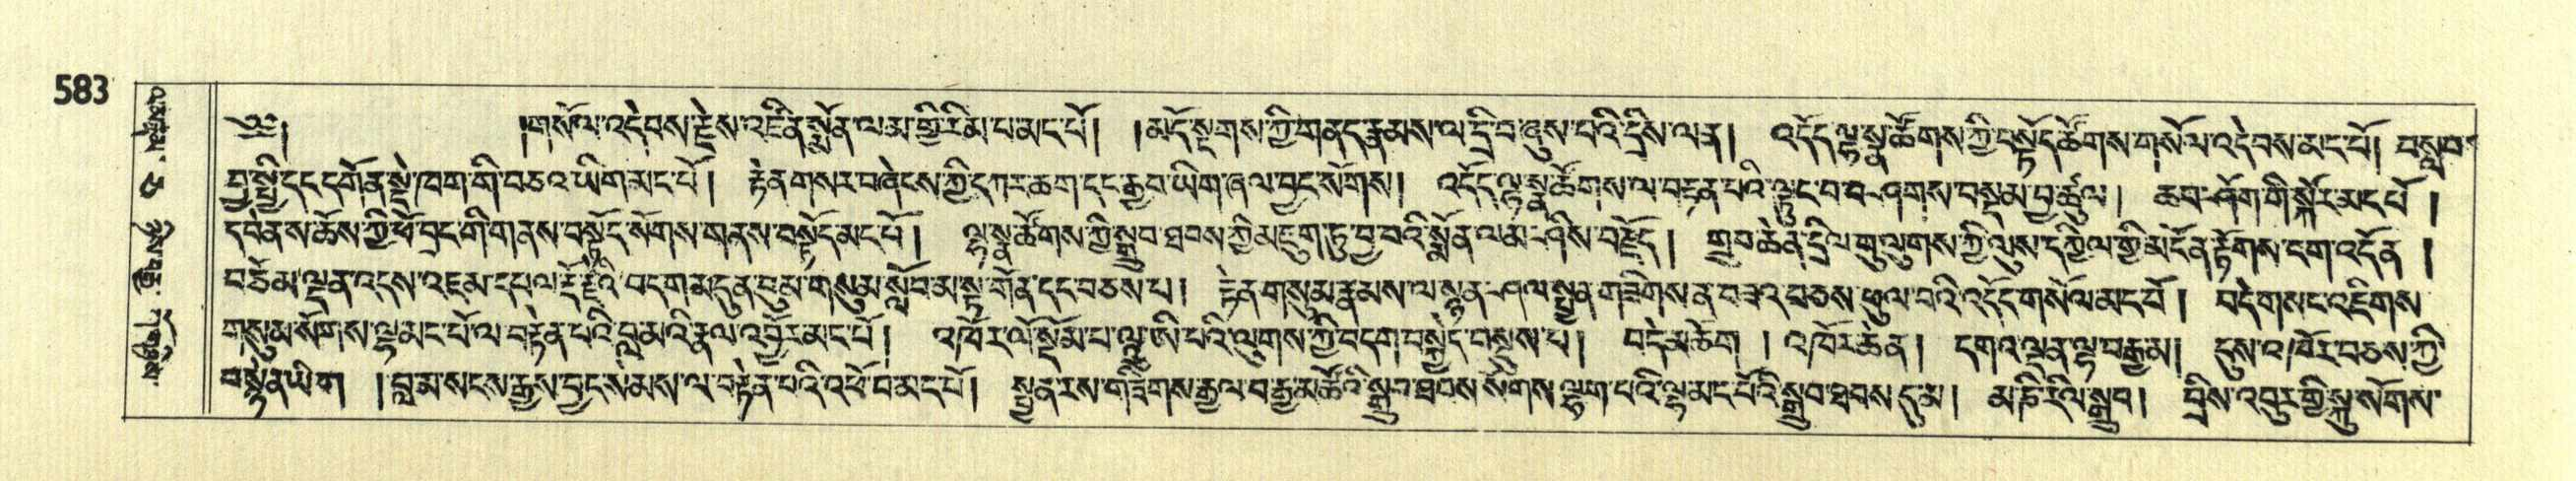༄༅། །གསོལ་འདེབས་རྗེས་འཛིན་སྨོན་ལམ་གྱི་རིམ་པ་མང་པོ། །མདོ་སྔགས་ཀྱི་གནད་རྣམས་ལ་དྲི་བ་ཞུས་བའི་དྲིས་ལན། འདོད་ལྷ་སྣ་ཚོགས་ཀྱི་བསྟོད་ཚོགས་གསོལ་འདེབས་མང་པོ། བསླབ་
བྱ་སྤྱི་དང་དགོན་སྡེ་ཁག་གི་བཅའ་ཡིག་མང་པོ། རྟེན་གསར་བཞེངས་ཀྱི་དཀར་ཆག་དང་རྒྱབ་ཡིག་ཞལ་བྱང་སོགས། འདོད་ལྷ་སྣ་ཚོགས་ལ་བརྟན་པའི་ལྟུང་བ་བཤགས་བསྡམ་བྱ་ཚུལ། ཆབ་ཤོག་གི་སྐོར་མང་པོ་།
དབེན་ས་ཆོས་ཀྱི་ཕོ་བྲང་གི་གནས་བསྟོད་སོགས་གནས་བསྟོད་མང་པོ། ལྷ་སྣ་ཚོགས་ཀྱི་སྒྲུབ་ཐབས་ཀྱི་མཇུག་ཏུ་བྱ་བའི་སྨོན་ལམ་ཤིས་བརྗོད། གྲུབ་ཆེན་དྲིལ་བུ་ལུགས་ཀྱི་ལུས་དཀྱིལ་གྱི་མངོན་རྟོགས་ངག་འདོན་།
བཅོམ་ལྡན་འདས་འཇམ་དཔལ་རྡོ་རྗེའི་བདག་མདུན་བུམ་གསུམ་སློབ་མ་སྟ་གོན་དང་བཅས་པ། རྟེན་གསུམ་རྣམས་ལ་སྙན་ཤལ་སྤྱན་གཟིགས་ན་བཟའ་བཅས་ཕུལ་བའི་འདོད་གསོལ་མང་པོ། བདེ་གསང་འཇིགས་
གསུམ་སོགས་ལྷ་མང་པོ་ལ་བརྟེན་པའི་བླ་མའི་རྣལ་འབྱོར་མང་པོ། འཁོར་ལོ་སྡོམ་པ་ལཱུ་ཨི་པའི་ལུགས་ཀྱི་བདག་བསྐྱེད་བསྡུས་པ། བདེ་མཆོག །འཁོར་ཆེན། དགའ་ལྡན་ལྷ་བརྒྱ་མ། དུས་འཁོར་བཅས་ཀྱི་
བསྙེན་ཡིག །བླ་མ་སངས་རྒྱས་བྱང་སེམས་ལ་བརྟེན་པའི་འཕོ་བ་མང་པོ། སྤྱན་རས་གཟིགས་རྒྱལ་བ་རྒྱ་མཚོའི་སྒྲུབ་ཐབས་སོགས་ལྷག་པའི་ལྷ་མང་པོའི་སྒྲུབ་ཐབས་དུ་མ། མ་ཎི་རིལ་སྒྲུབ། བྲིས་འབུར་གྱི་སྐུ་སོགས་